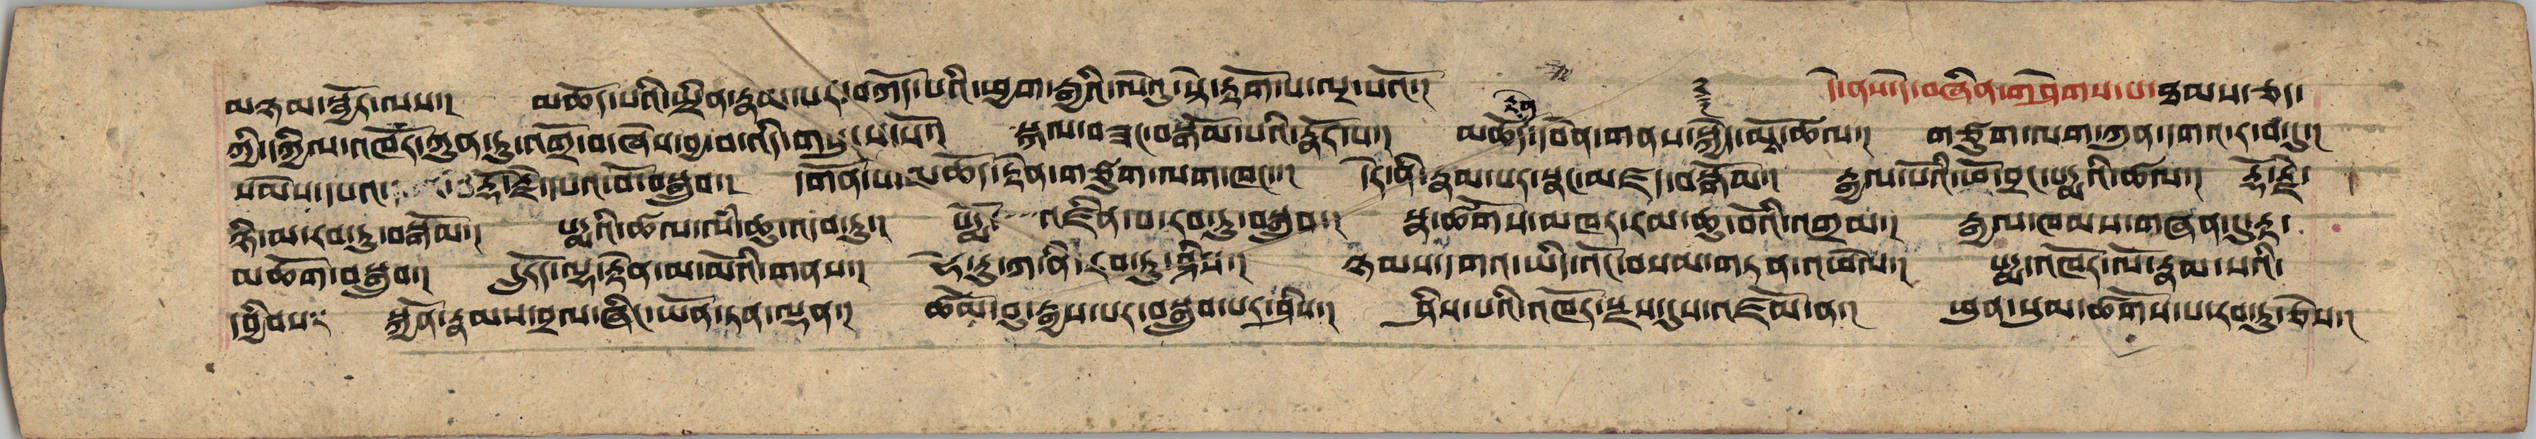མཉམ་སྦྱོར་ལས་། མཆོད་པའི་སྤྲིན་རྣམ་པར་བཀོད་པའི་ཕྱག་རྒྱའི་ལེའུ་སྟེ་རྟོག་པ་ལྔ་པའོ་། ༈ དེ་ནས་དེ་བཞིན་གཤེགས་པ་ཐམས་ཅད་
གྱི་དཀྱིལ་འཁོར་ཀུན་ཏུ་འགྲོ་བ་ཞེས་བྱ་བ་འདི་གསུངས་སོ་། སྐལ་བཟང་བསྒོམ་པའི་རྣོར་པ་། མཆོད་པ་དབེན་གནས་སྐྱེད་མོས་ཚལ་། གཙུག་ལག་ཀུན་དགའ་ར་བ་དུ་།
སེམས་དཔའ་ རྡོ་རྗེ་དཔའ་བོ་བསྒྲུབ་། དགོན་པ་མཆོད་རྟེན་གཙུག་ལག་ཁང་་། དེར་ནི་རྣམ་པར་སྣང་མཛད་བསྒོམ་། རྒྱལ་པོའི་ཕོ་བྲང་པདྨའི་ཚལ་། རྡོ་རྗེ་
ཉི་མ་རབ་ཏུ་བསྒོམ་། པདྨའི་ཚལ་ལཾ་ཆུ་འདབ་ཏུ་། པདྨོ་་་་འཛིན་པ་རབ་ཏུ་བསྒྲུབ་། སྣ་ཚོགས་མཁར་རམ་ཆུ་བོའི་འགྲམ་། རྒྱལ་ཁམས་གཞན་དུ་རྟ་
མཆོག་བསྒྲུབ་། དྲུརོད་ལྷ་རྟེན་མ་མོའི་གནས་། ཧེ་རུ་ཀ་ནི་རབ་ཏུ་ཤིས་། ཉམས་དགའ་ཡིད་འོང་བསམ་གཏན་འཕེལ་། པདྨ་འཁོར་ལོ་རྣམ་པའི་
དབྱིབས༑ སྐྱོན་རྣམས་བྲལ་ཞིང་ཡོན་ཏན་ལྡན་། ཚོམ་བུ་རྒྱས་པར་བསྒྲུབ་པར་ཤིས་། ཤིས་པའི་འཁོར་སྫས་དུས་འཛོམ་ན་། ཕུན་སུམ་ཚོགས་པ་རབ་ཏུ་ཅེས་།